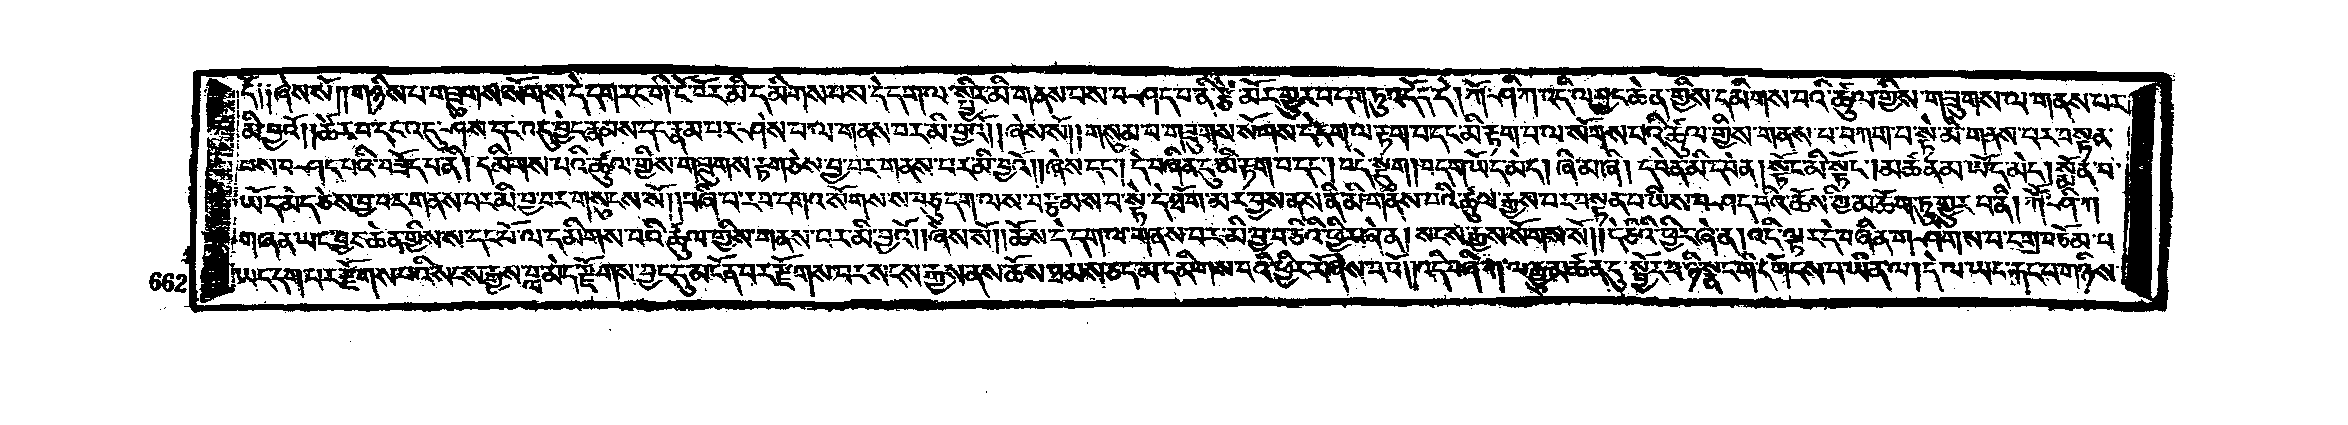དོ། །ཞེས་སོ། །གཉིས་པ་གཟུགས་སོགས་དེ་དག་རང་གི་ངོ་བོར་མི་དམིགས་པས་དེ་དག་ལ་སྤྱིར་མི་གནས་པས་བཤད་པ་ནི་རྩེ་མོར་གྱུར་པ་དག་ཏུ་འདོད་དེ། ཀཽ་ཤི་ཀ་འདི་ལ་བྱང་ཆེན་གྱིས་དམིགས་པའི་ཚུལ་གྱིས་གཟུགས་ལ་གནས་པར་
མི་བྱའོ། །ཚོར་བ་དང་འདུ་ཤེས་དང་འདུ་བྱེད་རྣམས་དང་རྣམ་པར་ཤེས་པ་ལ་གནས་པར་མི་བྱའོ། །ཞེས་སོ། །གསུམ་པ་གཟུགས་སོགས་དེ་དག་ལ་རྟག་པ་དང་མི་རྟག་པ་ལ་སོགས་པའི་ཚུལ་གྱིས་གནས་པ་བཀག་པ་སྟེ་མི་གནས་པར་བསྟན་
པས་བཤད་པའི་བཟོད་པ་ནི། དམིགས་པའི་ཚུལ་གྱིས་གཟུགས་རྟག་ཅེས་བྱ་བར་གནས་པར་མི་བྱའོ། །ཞེས་དང་། དེ་བཞིན་དུ་མི་རྟག་པ་དང་། བདེ་སྡུག །བདག་ཡོད་མེད། ཞི་མ་ཞི། དབེན་མི་དབེན། སྟོང་མི་སྟོང་། མཚན་མ་ཡོད་མེད། སྨོན་པ་
ཡོད་མེད་ཅེས་བྱ་བར་གནས་པར་མི་བྱ་བར་གསུངས་སོ། །བཞི་པ་རབ་དགའ་སོགས་སུ་བཅུ་དག་ལས་བརྩམས་པ་སྟེ་དེ་ཐོག་མར་བྱས་ནས་ནི་མི་གནས་པའི་ཚུལ་རྒྱས་པར་བསྟན་པ་ཡིས་བཤད་པའི་ཆོས་ཀྱི་མཆོག་ཏུ་གྱུར་པ་ནི། ཀཽ་ཤི་ཀ་
གཞན་ཡང་བྱང་ཆེན་གྱིས་ས་དང་པོ་ལ་དམིགས་པའི་ཚུལ་གྱིས་གནས་པར་མི་བྱའོ། །ཞེས་སོ། །ཆོས་དེ་དག་ལ་གནས་པར་མི་བྱ་བ་ཅིའི་ཕྱིར་ཞེ་ན། སངས་རྒྱས་སོགས་སོ། །དེ་ཅིའི་ཕྱིར་ཞེ་ན། འདི་ལྟར་དེ་བཞིན་གཤེགས་པ་དགྲ་བཅོམ་པ་
ཡང་དག་པར་རྫོགས་པའི་སངས་རྒྱས་བླ་མེད་རྫོགས་བྱང་དུ་མངོན་པར་རྫོགས་པར་སངས་རྒྱས་ནས་ཆོས་ཐམས་ཅད་མ་དམིགས་པའི་ཕྱིར་རོ་ཞེས་པའོ། །འདི་བཞི་ཀ་ལ་རྒྱུ་མཚན་དུ་སྦྱོར་བ་ཉི་སྣང་གི་དགོངས་པ་ཡིན་ལ། དེ་ལ་ཡང་རྐང་པ་གཉི་